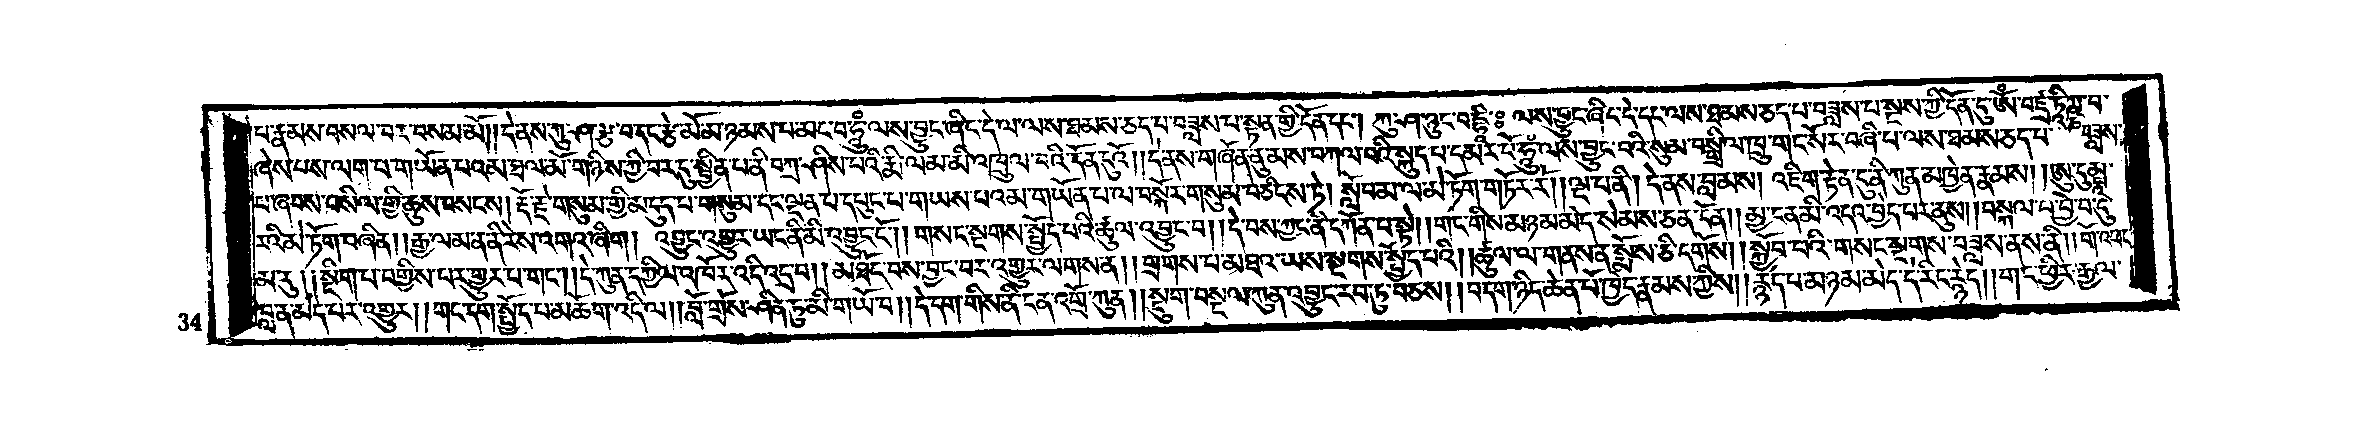པ་རྣམས་བསལ་བར་བསམ་མོ། །དེ་ནས་ཀུ་ཤ་རྩ་བ་དང་རྩེ་མོ་མ་ཉམས་པ་མང་བ་ཧཱུཾ་ལས་བྱུང་ཞིང་དེ་ལ་ལས་ཐམས་ཅད་པ་བཟླས་པ་སྟན་གྱི་དོན་དང་། ཀུ་ཤ་ཉུང་བདྷཱིཿ ལས་བྱུང་ཞིང་དེ་དང་ལས་ཐམས་ཅད་པ་བཟླས་པ་སྔས་ཀྱི་དོན་དུ་ཨོཾ་བྫྲ་ཏཱིཀྵྞ་བ་
ཞེས་པས་ལག་པ་གཡོན་པའམ་ཐལ་མོ་གཉིས་ཀྱི་བར་དུ་སྦྱིན་པ་ནི་བཀྲ་ཤིས་པའི་རྨི་ལམ་མི་འཁྲུལ་བའི་དོན་དུའོ། །དེ་ནས་གཞོན་ནུ་མས་བཀལ་བའི་སྐུད་པ་དམར་པོ་ཧཱུཾ་ལས་བྱུང་བའི་སུམ་བསྒྲིལ་ཁྲུ་གང་སོར་བཞི་པ་ལས་ཐམས་ཅད་པ་བཟླས་
པ་ཞབས་བསིལ་གྱི་ཆུས་བསངས། རྡོ་རྗེ་གསུམ་གྱི་མདུད་པ་གསུམ་དང་ལྡན་པ་དཔུང་པ་གཡས་པའམ་གཡོན་པ་ལ་བསྐོར་གསུམ་བཅིངས་ཏེ། སློབ་མ་ལ་མེ་ཏོག་གཏོར་རོ། །ལྔ་པ་ནི། དེ་ནས་བླ་མས། འཇིག་རྟེན་དུ་ནི་ཀུན་མཁྱེན་རྣམས། །ཨུ་དུམབཱ་
རའི་མེ་ཏོག་བཞིན། །རྒྱ་ལམ་ན་ནི་རེས་འགའ་ཞིག །འབྱུང་འགྱུར་ཡང་ནི་མི་འབྱུང་ངོ། །གསང་སྔགས་སྤྱོད་པའི་ཚུལ་འབྱུང་བ། །དེ་བས་ཀྱང་ནི་དཀོན་པ་སྟེ། །གང་གིས་མཉམ་མེད་སེམས་ཅན་དོན། །མྱ་ངན་མི་འདའ་བྱེད་པར་ནུས། །བསྐལ་པ་བྱེ་བ་དུ་
མ་རུ། །སྡིག་པ་བགྱིས་པར་གྱུར་པ་གང་། །དེ་ཀུན་དཀྱིལ་འཁོར་འདི་འདྲ་བ། །མཐོང་བས་བྱང་བར་འགྱུར་ལགས་ན། །གྲགས་པ་མཐའ་ཡས་སྔགས་སྤྱོད་པའི། །ཚུལ་ལ་གནས་ན་སྨོས་ཅི་དགོས། །སྐྱོབ་པའི་གསང་སྔགས་བཟླས་ནས་ནི། །གོ་འཕང་
བླ་ན་མེད་པར་འགྱུར། །གང་དག་སྤྱོད་པ་མཆོག་འདི་ལ། །བློ་གྲོས་ཤིན་ཏུ་མི་གཡོ་བ། །དེ་དག་གིས་ནི་ངན་འགྲོ་ཀུན། །སྡུག་བསྔལ་ཀུན་འབྱུང་རབ་ཏུ་བཅས། །བདག་ཉིད་ཆེན་པོ་ཁྱེད་རྣམས་ཀྱིས། །རྙེད་པ་མཉམ་མེད་དེ་རིང་རྙེད། །གང་ཕྱིར་རྒྱལ་